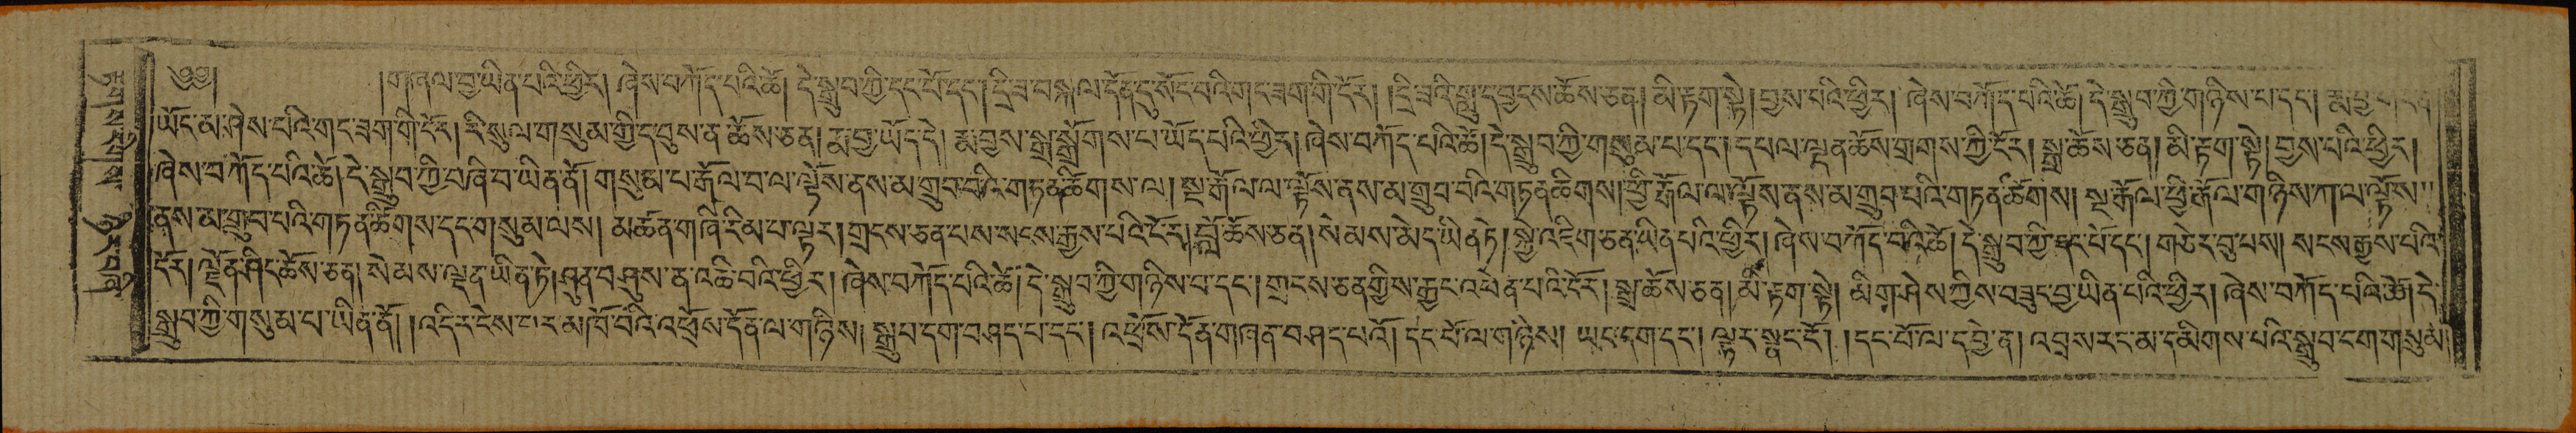༄༅། །གཞལ་བྱ་ཡིན་པའི་ཕྱིར། ཞེས་བཀོད་པའི་ཚེ། དེ་སྒྲུབ་ཀྱི་དང་པོ་དང་། དྲི་ཟ་བསྐལ་དོན་དུ་སོང་བའི་གང་ཟག་གི་ངོར། །དྲི་ཟའི་གླུ་དབྱངས་ཆོས་ཅན། མི་རྟག་སྟེ། བྱས་པའི་ཕྱིར། ཞེས་བཀོད་པའི་ཚེ། དེ་སྒྲུབ་ཀྱི་གཉིས་པ་དང་། རྨ་བྱ་གང་ན་
ཡོད་?་མ་ཤེས་པའི་གང་ཟག་གི་ངོར། རི་སུལ་གསུམ་གྱི་དབུས་ན་ཆོས་ཅན། རྨ་བྱ་ཡོད་དེ། རྨ་བྱས་སྒྲ་སྒྲོགས་པ་ཡོད་པའི་ཕྱིར། ཞེས་བཀོད་པའི་ཚེ། དེ་སྒྲུབ་ཀྱི་གསུམ་པ་དང་། དཔལ་ལྡན་ཆོས་གྲགས་ཀྱི་ངོར། སྒྲ་ཆོས་ཅན། མི་རྟག་སྟེ། བྱས་པའི་ཕྱིར།
ཞེས་བཀོད་པའི་ཚེ། དེ་སྒྲུབ་ཀྱི་བཞི་པ་ཡིན་ནོ། གསུམ་པ་རྒོལ་བ་ལ་ལྟོས་ནས་མ་གྲུབ་པའི་གཏན་ཚིགས་ལ། སྔ་རྒོལ་ལ་ལྟོས་ནས་མ་གྲུབ་པའི་གཏན་ཚིགས། ཕྱི་རྒོལ་ལ་ལྟོས་ནས་མ་གྲུབ་པའི་གཏན་ཚིགས། སྔ་རྒོལ་ཕྱི་རྒོལ་གཉིས་ཀ་ལ་ལྟོས་
ནས་མ་གྲུབ་པའི་གཏན་ཚིགས་དང་གསུམ་ལས། མཚན་གཞི་རིམ་པ་ལྟར། གྲངས་ཅན་པས་སངས་རྒྱས་པའི་ངོར། བློ་ཆོས་ཅན། སེམས་མེད་ཡིན་ཏེ། སྐྱེ་འཇིག་ཅན་ཡིན་པའི་ཕྱིར། ཞེས་བཀོད་པའི་ཚེ། དེ་སྒྲུབ་ཀྱི་དང་པོ་དང་། གཅེར་བུ་པས། སངས་རྒྱས་པའི་
ངོར། ལྗོན་ཤིང་ཆོས་ཅན། སེམས་ལྡན་ཡིན་ཏེ། ཤུན་བཤུས་ན་འཆི་བའི་ཕྱིར། ཞེས་བཀོད་པའི་ཚེ། དེ་སྒྲུབ་ཀྱི་གཉིས་པ་དང་། གྲངས་ཅན་གྱིས་རྒྱང་འཕེན་པའི་ངོར། སྒྲ་ཆོས་ཅན། མི་རྟག་སྟེ། མིག་ཤེས་ཀྱིས་བཟུང་བྱ་ཡིན་པའི་ཕྱིར། ཞེས་བཀོད་པའི་ཚེ། དེ་
སྒྲུབ་ཀྱི་གསུམ་པ་ཡིན་ནོ། །འདིར་ངེས་པར་མཁོ་བའི་འཕྲོས་དོན་ལ་གཉིས། སྒྲུབ་དག་བཤད་པ་དང་། འཕྲོས་དོན་གཞན་བཤད་པའོ། དང་པོ་ལ་གཉིས། ཡང་དག་དང་། ལྟར་སྣང་ངོ། །དང་པོ་ལ་དབྱེ་ན། འབྲས་རང་མ་དམིགས་པའི་སྒྲུབ་ངག་གསུམ་